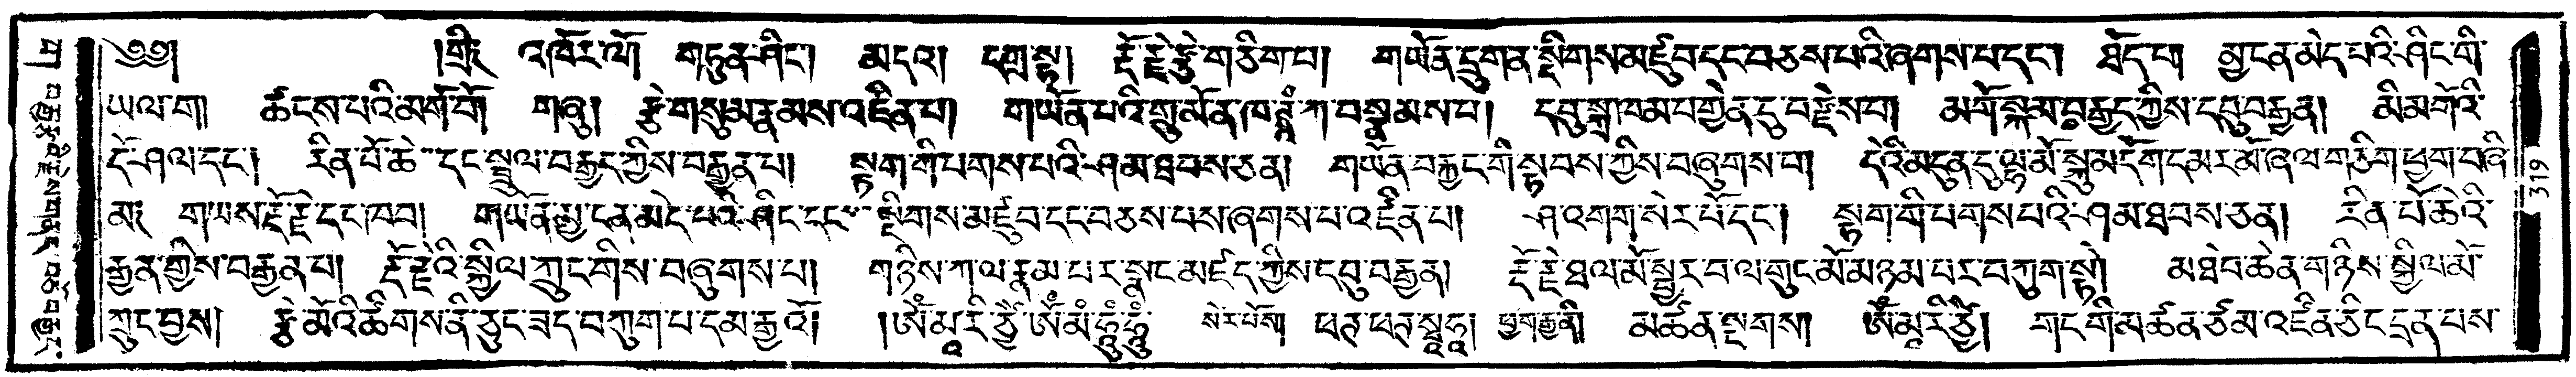༄༅། །གྲི༑ འཁོར་ལོ། གཏུན་ཤིང་། མདའ། དགྲ་སྟ། རྡོ་རྗེ་རྩེ་གཅིག་པ། གཡོན་དྲུག་ན་སྡིགས་མཛུབ་དང་བཅས་པའི་ཞགས་པ་དང་། ཐོད་པ། མྱ་ངན་མེད་པའི་ཤིང་གི་
ཡལ་ག། ཚངས་པའི་མགོ་བོ། གཞུ། རྩེ་གསུམ་རྣམས་འཛིན་པ། གཡོན་པའི་གྲུ་མོ་ན་ཁ་ཊྭཱཾ་ཀ་བསྣམས་པ། དབུ་སྐྲ་ཁམ་པ་གྱེན་དུ་བརྫེས་པ། མགོ་སྐམ་བརྒྱད་ཀྱིས་དབུ་བརྒྱན། མི་མགོའི་
དོ་ཤལ་དང་། རིན་པོ་ཆེ་དང་སྦྲུལ་བརྒྱད་ཀྱིས་བརྒྱན་པ། སྟག་གི་པགས་པའི་ཤམ་ཐབས་ཅན། གཡོན་བརྐྱང་གི་སྟབས་ཀྱིས་བཞུགས་པ། དེའི་མདུན་དུ་ལྷ་མོ་སྐུ་མདོག་དམར་མོ་ཞལ་གཅིག་ཕྱག་བཞི་
མ༑ གཡས་རྡོ་རྗེ་དང་ཁབ། གཡོན་མྱ་ངན་མེད་པའི་ཤིང་དང་སྡིགས་མཛུབ་དང་བཅས་པས་ཞགས་པ་འཛིན་པ། ཤ་འགག་སེར་པོ་དང་། སྟག་གི་པགས་པའི་ཤམ་ཐབས་ཅན། རིན་པོ་ཆེའི་
རྒྱན་གྱིས་བརྒྱན་པ། རྡོ་རྗེའི་སྐྱིལ་ཀྲུང་གིས་བཞུགས་པ། གཉིས་ཀ་ལ་རྣམ་པར་སྣང་མཛད་ཀྱིས་དབུ་བརྒྱན། རྡོ་རྗེ་ཐལ་མོ་སྦྱར་བ་ལ་གུང་མོ་མཉམ་པར་བཀུག་སྟེ། མཐེབ་ཆེན་གཉིས་སྐྱིལ་མོ་
ཀྲུང་བྱས། རྩེ་མོའི་ཚིགས་ནི་ཅུང་ཟད་བཀུག་པ་དམ་རྒྱའོ། །ཨོཾ་མཱ་རི་ཙྱཻ་ཨོཾ་མཾ་ཧཱུཾ་ཧཱུཾ་སེར་པོས། ཕཊ་ཕཊ་སྭཱཧཱ། ཕྱག་རྒྱ་ནི། མཚན་སྔགས། ཨོཾ་མཱ་རི་ཙྱཻ། གང་གི་མཚན་ཙམ་འཛིན་ཅིང་དྲན་པས་